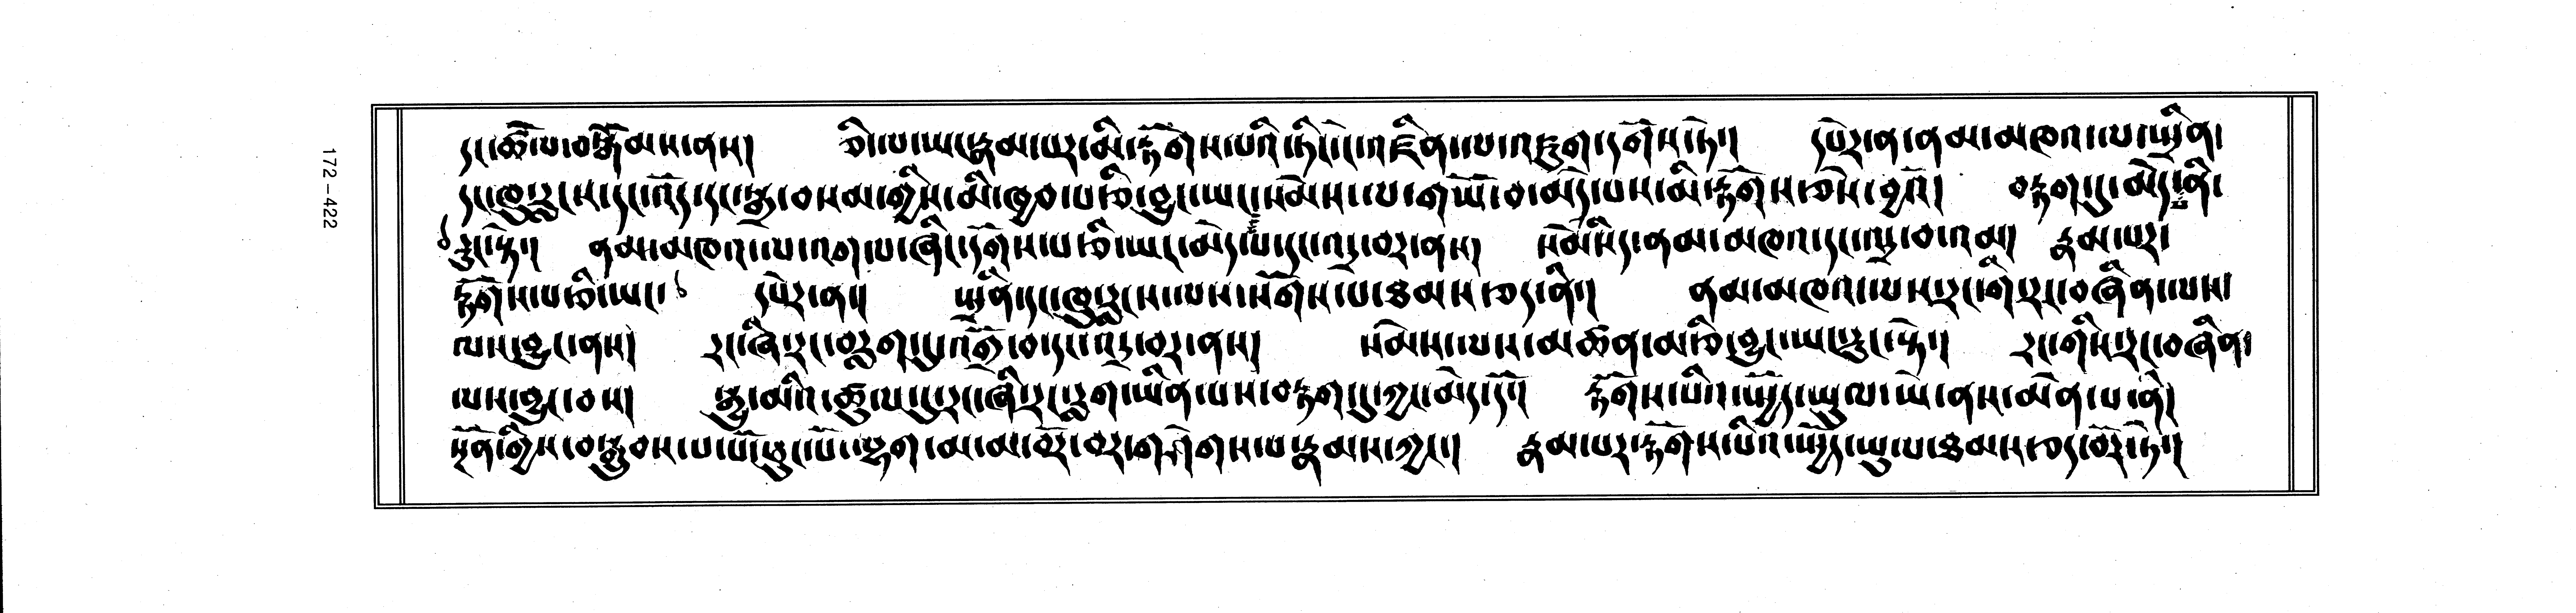དང་ཚོལ་བསྒོམས་ནས། ཅི་ལ་ཡང་རྣམ་པར་མི་རྟོགས་པའི་ཏིང་ངེ་འཛིན་ལ་འཇུག་དགོས་ཏེ། དཔེར་ན་ནམ་མཁའ་ལ་སྤྲིན་
དང་ཁུ་རླངས་དང་འོད་དང་སྒྲ་བསམ་གྱིས་མི་ཁྱབ་པ་ཅི་བྱུང་ཡང་སེམས་ལ་གཡོ་བ་མེད་པས་མི་རྟོགས་ཅེས་བྱའོ། བརྟག་ཏུ་མེད་པ་ནི་
རུང་སྟེ། ནམ་མཁའ་ལ་འགལ་ཞིང་དོགས་པ་ཅི་ཡང་མེད་པ་དང་འདྲ་བར་ནས། སེམས་ཉིད་ནམ་མཁའ་དང་འདྲ་བ་འམ། རྣམ་པར་
རྟོགས་པ་ཅི་ཡང་། དཔེར་ན། སྤྲིན་དང་ཁུ་རླངས་ལས་སོགས་པ་ཐམས་ཅད་ནི། ནམ་མཁའ་ལས་རང་གི་རང་བཞིན་ལས་
བྱུང་ནས། རང་ཞི་རང་བརླག་དུ་འགྲོ་བ་དང་འདྲ་བར་ནས། སེམས་ལས་མཚན་མ་ཅི་བྱུང་ཡང་རུང་སྟེ། རང་གིས་རང་བཞིན་
ལས་བྱུང་བས། སྒྱུ་མའི་ཚུལ་དུ་རང་ཞི་རང་རླག་ཡིན་པས་བརྟགས་དུ་ཀྱང་མེད་དོ། རྟོགས་པའི་སྤྱོད་ཡུལ་ཡེ་ནས་མེན་པ་ནི། 
སྔོན་གྱིས་བསྒྲུབས་པ་པོ་ཕུང་པོ་ལྷག་མ་མ་བོར་བར་གཤེགས་པ་རྣམས་ཀྱང་། རྣམ་པར་རྟོགས་པའི་སྤྱོད་ཡུལ་ཐམས་ཅད་བོར་ཏེ།